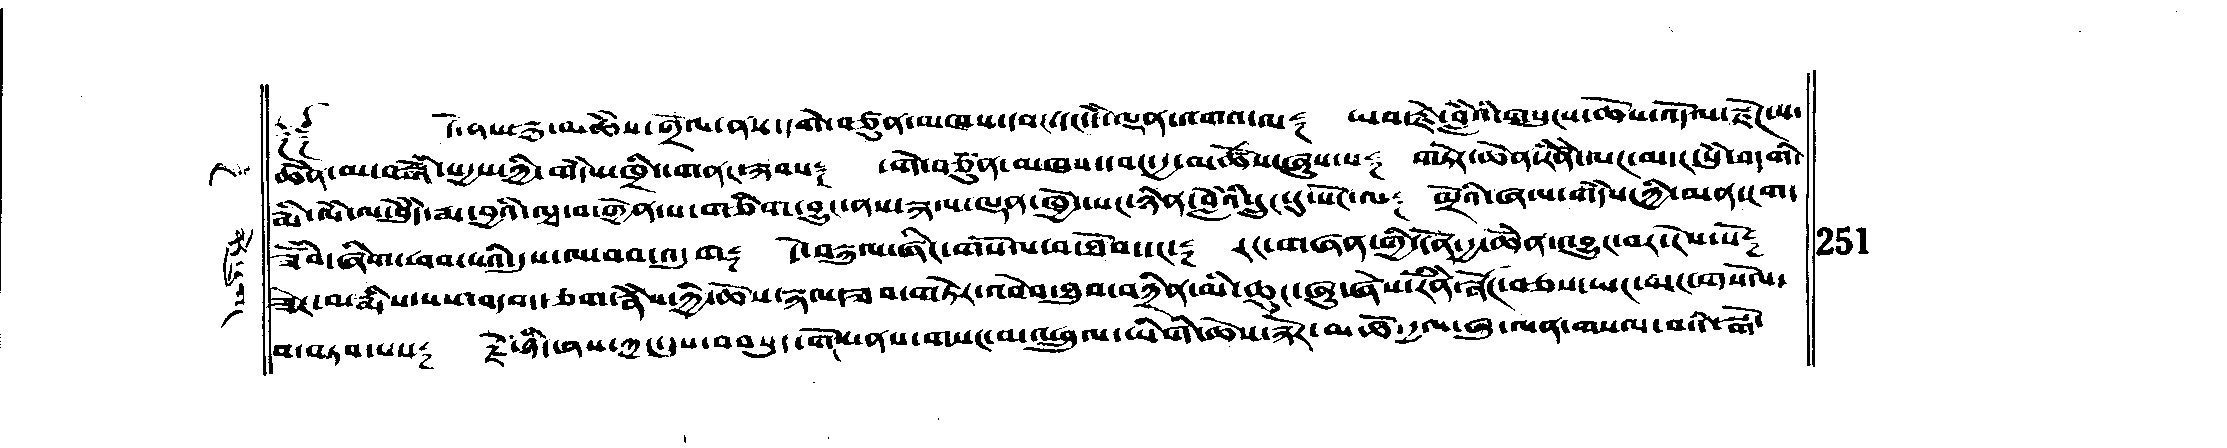དེ་ནས་སྐུ་མཚམས་གྲོལ་ནས་དགེ་བཙུན་མཁས་དབང་དང་དམ་ལྡན་འགའ་ལ། ཡབ་རྗེ་བླ་མའི་གསུང་ཆོས་འོད་གསལ་རྫོགས་པ་
ཆེན་པོ་མ་བསྒོམ་སངས་རྒྱས་ཀྱི་གདམས་ཁྲིད་གནང་སྐབས། དགེ་བཙུན་མཁས་དབང་རྒྱ་མཚོས་ཞུས་པ། གཏེར་ཆེན་རིན་པོ་ཆེ་ལགས་མདང་སུམ་བདག་གི་
རྨི་ལམ་ལ་བུད་མེད་རྨ་བྱའི་ལྭ་བ་གྱོན་པ་གཅིག་བྱུང་ནས་སྐལ་ལྡན་ཁྱོད་སང་ཉིན་བླ་མའི་དྲུང་དུ་སོང་ལ། མཁའ་འགྲོའི་ཞལ་གདམས་ཀྱི་མན་ངག་
ཟབ་མོ་ཞིག་ཕབ་པའི་དུས་ལ་བབ་འདུག དེ་བསྐུལ་ཞིང་གསོལ་བ་ཐོབ་དང་། རང་གཞན་གྱི་དོན་རྒྱ་ཆེན་པོ་འབྱུང་བར་ངེས་སོ། 
ཟེར་བ་རྨིས་པས་བདག་ཅག་རྣམས་ཀྱི་ཆོས་སྐལ་ཟབ་གཏེར་འབེབ་ཐུབ་བཀའ་དྲིན་མི་ཆུང་ཞུ་ཞེས་རིན་པོ་ཆེ་སྣ་ཚོགས་བཅས་ཡང་ཡང་གསོལ་
བ་བཏབ་པས། རྗེ་ཉིད་ནས་ཀྱང་དུས་བབས་སུ་དགོངས་ནས་གསང་བ་འཕྲུལ་ཡིག་གི་ཆོས་སྐོར་མཚོ་རྒྱལ་ཞུ་ལན་གསལ་བའི་སྒོ་